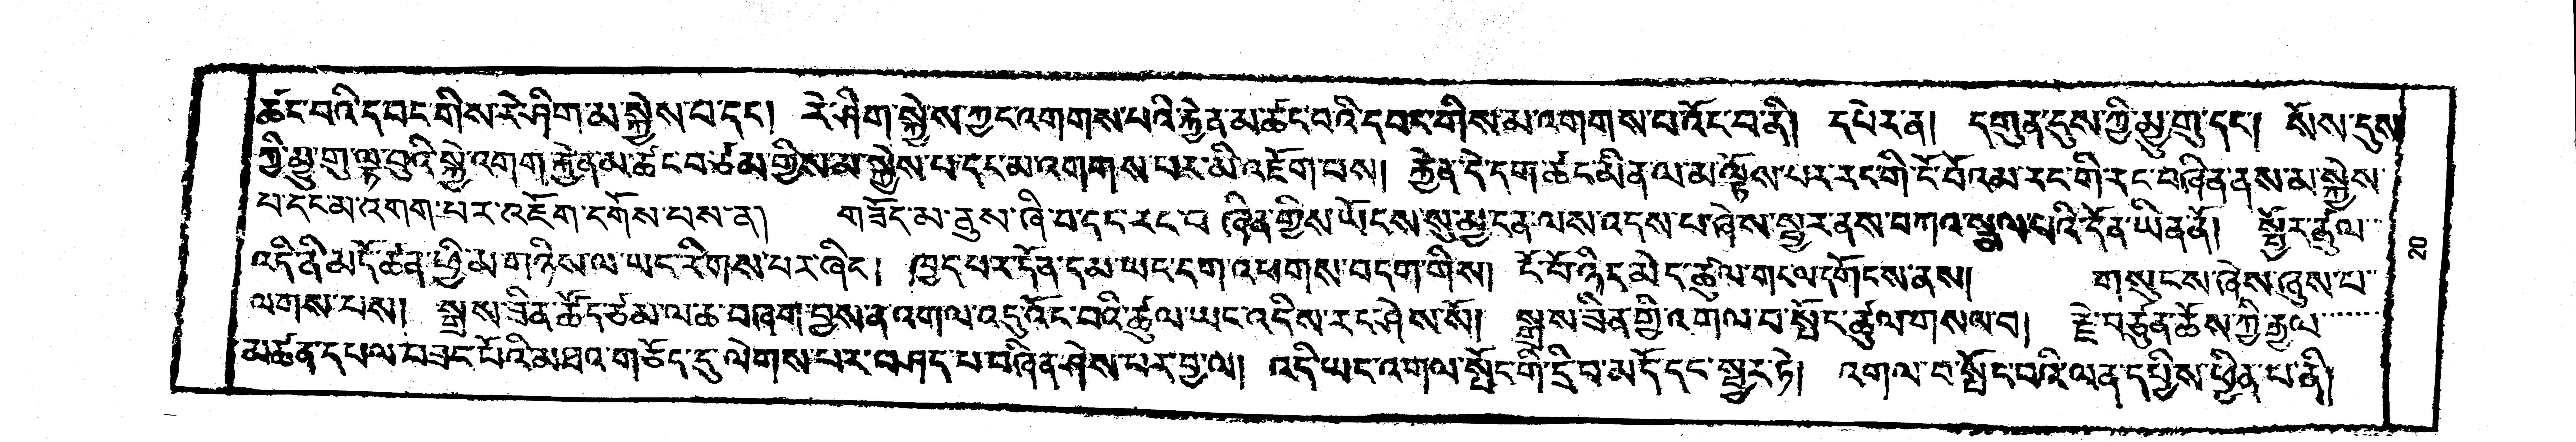ཚང་བའི་དབང་གིས་རེ་ཤིག་མ་སྐྱེས་པ་དང་། རེ་ཤིག་སྐྱེས་ཀྱང་འགགས་པའི་རྐྱེན་མ་ཚང་བའི་དབང་གིས་མ་འགགས་པ་འོང་བ་ནི། དཔེར་ན། དགུན་དུས་ཀྱི་མྱུ་གུ་དང་། སོས་དུས་
ཀྱི་མྱུ་གུ་ལྟ་བུའི་སྐྱེ་འགག་རྐྱེན་མ་ཚང་བ་ཙམ་གྱིས་མ་སྐྱེས་པ་དང་མ་འགགས་པར་མི་འཇོག་པས། རྐྱེན་དེ་དག་ཚང་མིན་ལ་མ་ལྟོས་པར་རང་གི་ངོ་བོའམ་རང་གི་རང་བཞིན་ནས་མ་སྐྱེས་
པ་དང་མ་འགག་པར་འཇོག་དགོས་པས་ན། གཟོད་མ་ནུས་ཞི་བ་དང་རང་བཞིན་གྱིས་ཡོངས་སུ་མྱ་ངན་ལས་འདས་པ་ཞེས་སྦྱར་ནས་བཀའ་སྩལ་པའི་དོན་ཡིན་ནོ། སྦྱོར་ཚུལ་
འདི་ནི་མདོ་ཚན་ཕྱི་མ་གཉིས་ལ་ཡང་རིགས་པར་ཞིང་། ཁྱད་པར་དོན་དམ་ཡང་དག་འཕགས་བདག་གིས། ངོ་བོ་ཉིད་མེད་ཚུལ་གང་ལ་དགོངས་ནས། གསུངས་ཞེས་ཞུས་པ་
ལགས་པས། སྒྲས་ཟིན་ཚོད་ཙམ་ལ་ཆ་བཞག་བྱས་ན་འགལ་འདུ་འོང་བའི་ཚུལ་ཡང་འདིས་རང་ཤེས་སོ། སྒྲས་ཟིན་གྱི་འགལ་བ་སྤོང་ཚུལ་གསལ་བ། རྗེ་བཙུན་ཆོས་ཀྱི་རྒྱལ་
མཚན་དཔལ་བཟང་པོའི་མཐའ་གཅོད་དུ་ལེགས་པར་བཤད་པ་བཞིན་ཤེས་པར་བྱ་ལ། འདི་ཡང་འགལ་སྤོང་གི་དྲི་བ་མདོ་དང་སྦྱར་ཏེ། འགལ་བ་སྤོང་བའི་ལན་དཔྱིས་ཕྱིན་པ་ནི།